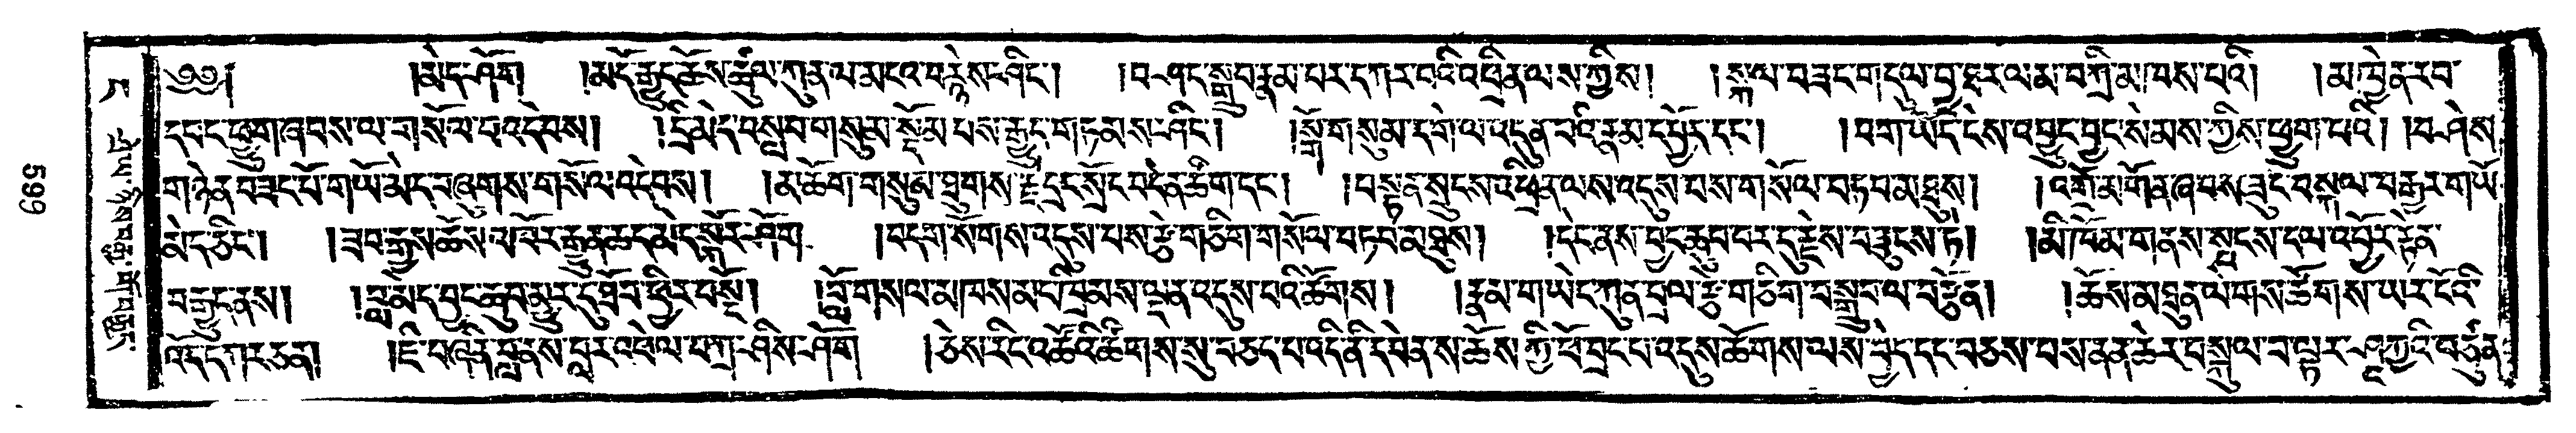༄༅། །མེད་ཤོག །མདོ་རྒྱུད་ཆོས་ཚུལ་ཀུན་ལ་མངའ་བརྙེས་ཤིང་། །བཤད་སྒྲུབ་རྣམ་པར་དཀར་བའི་འཕྲིན་ལས་ཀྱིས། །སྐལ་བཟང་གདུལ་བྱ་ཐར་ལམ་བཀྲི་མཁས་པའི། །མཁྱེན་རབ་
དབང་ཕྱུག་ཞབས་ལ་གསོལ་བ་འདེབས། །དྲི་མེད་བསླབ་གསུམ་སྡོམ་པས་རྒྱུད་གཏམས་ཤིང་། །སྒོ་གསུམ་དགེ་ལ་འདུན་པའི་རྣམ་དཔྱོད་དང་། །བག་ཡོད་ངེས་འབྱུང་བྱང་སེམས་ཀྱིས་ཕྱུག་པའི། །བཤེས་
གཉེན་བཟང་པོ་གཡོ་མེད་བཞུགས་གསོལ་འདེབས། །མཆོག་གསུམ་ཐུགས་རྗེ་དྲང་སྲོང་བདེན་ཚིག་དང་། །བསྟན་སྲུངས་འཕྲིན་ལས་འདུས་པས་གསོལ་བཏབ་མཐུས། །འགྲོ་མགོན་ཞབས་ཟུང་བསྐལ་བརྒྱར་གཡོ་
མེད་ཅིང་། །ཟབ་རྒྱས་ཆོས་འཁོར་རྒྱུན་ཆད་མེད་སྐོར་ཤོག །བདག་སོགས་འདུས་པས་རྩེ་གཅིག་གསོལ་བཏབ་མཐུས། །དེང་ནས་བྱང་ཆུབ་བར་དུ་རྗེས་བཟུངས་ཏེ། །མི་ཁོམ་གནས་སྤངས་དལ་འབྱོར་རྟེན་
བརྒྱུད་ནས། །བླ་མེད་བྱང་ཆུབ་མྱུར་དུ་ཐོབ་ཕྱིར་བསྔོ། །བློ་གསལ་མཁས་མང་ཁྲིམས་ལྡན་འདུས་པའི་ཚོགས། །རྣམ་གཡེང་ཀུན་བྲལ་རྩེ་གཅིག་བསྒྲུབ་ལ་བརྩོན། །ཆོས་མཐུན་ལེགས་ཚོགས་ཡར་ངོའི་
འོད་དཀར་ཅན། །ཇི་བཞིན་བླ་ནས་བླར་འཕེལ་བཀྲ་ཤིས་ཤོག །ཅེས་རིང་འཚོའི་ཚིགས་སུ་བཅད་པ་འདི་ནི་དབེན་ས་ཆོས་ཀྱི་ཕོ་བྲང་བ་འདུས་ཆོགས་ལས་བྱེད་དང་བཅས་པས་ནན་ཆེར་བསྐུལ་བ་ལྟར་ཤཱཀྱའི་བཙུན་